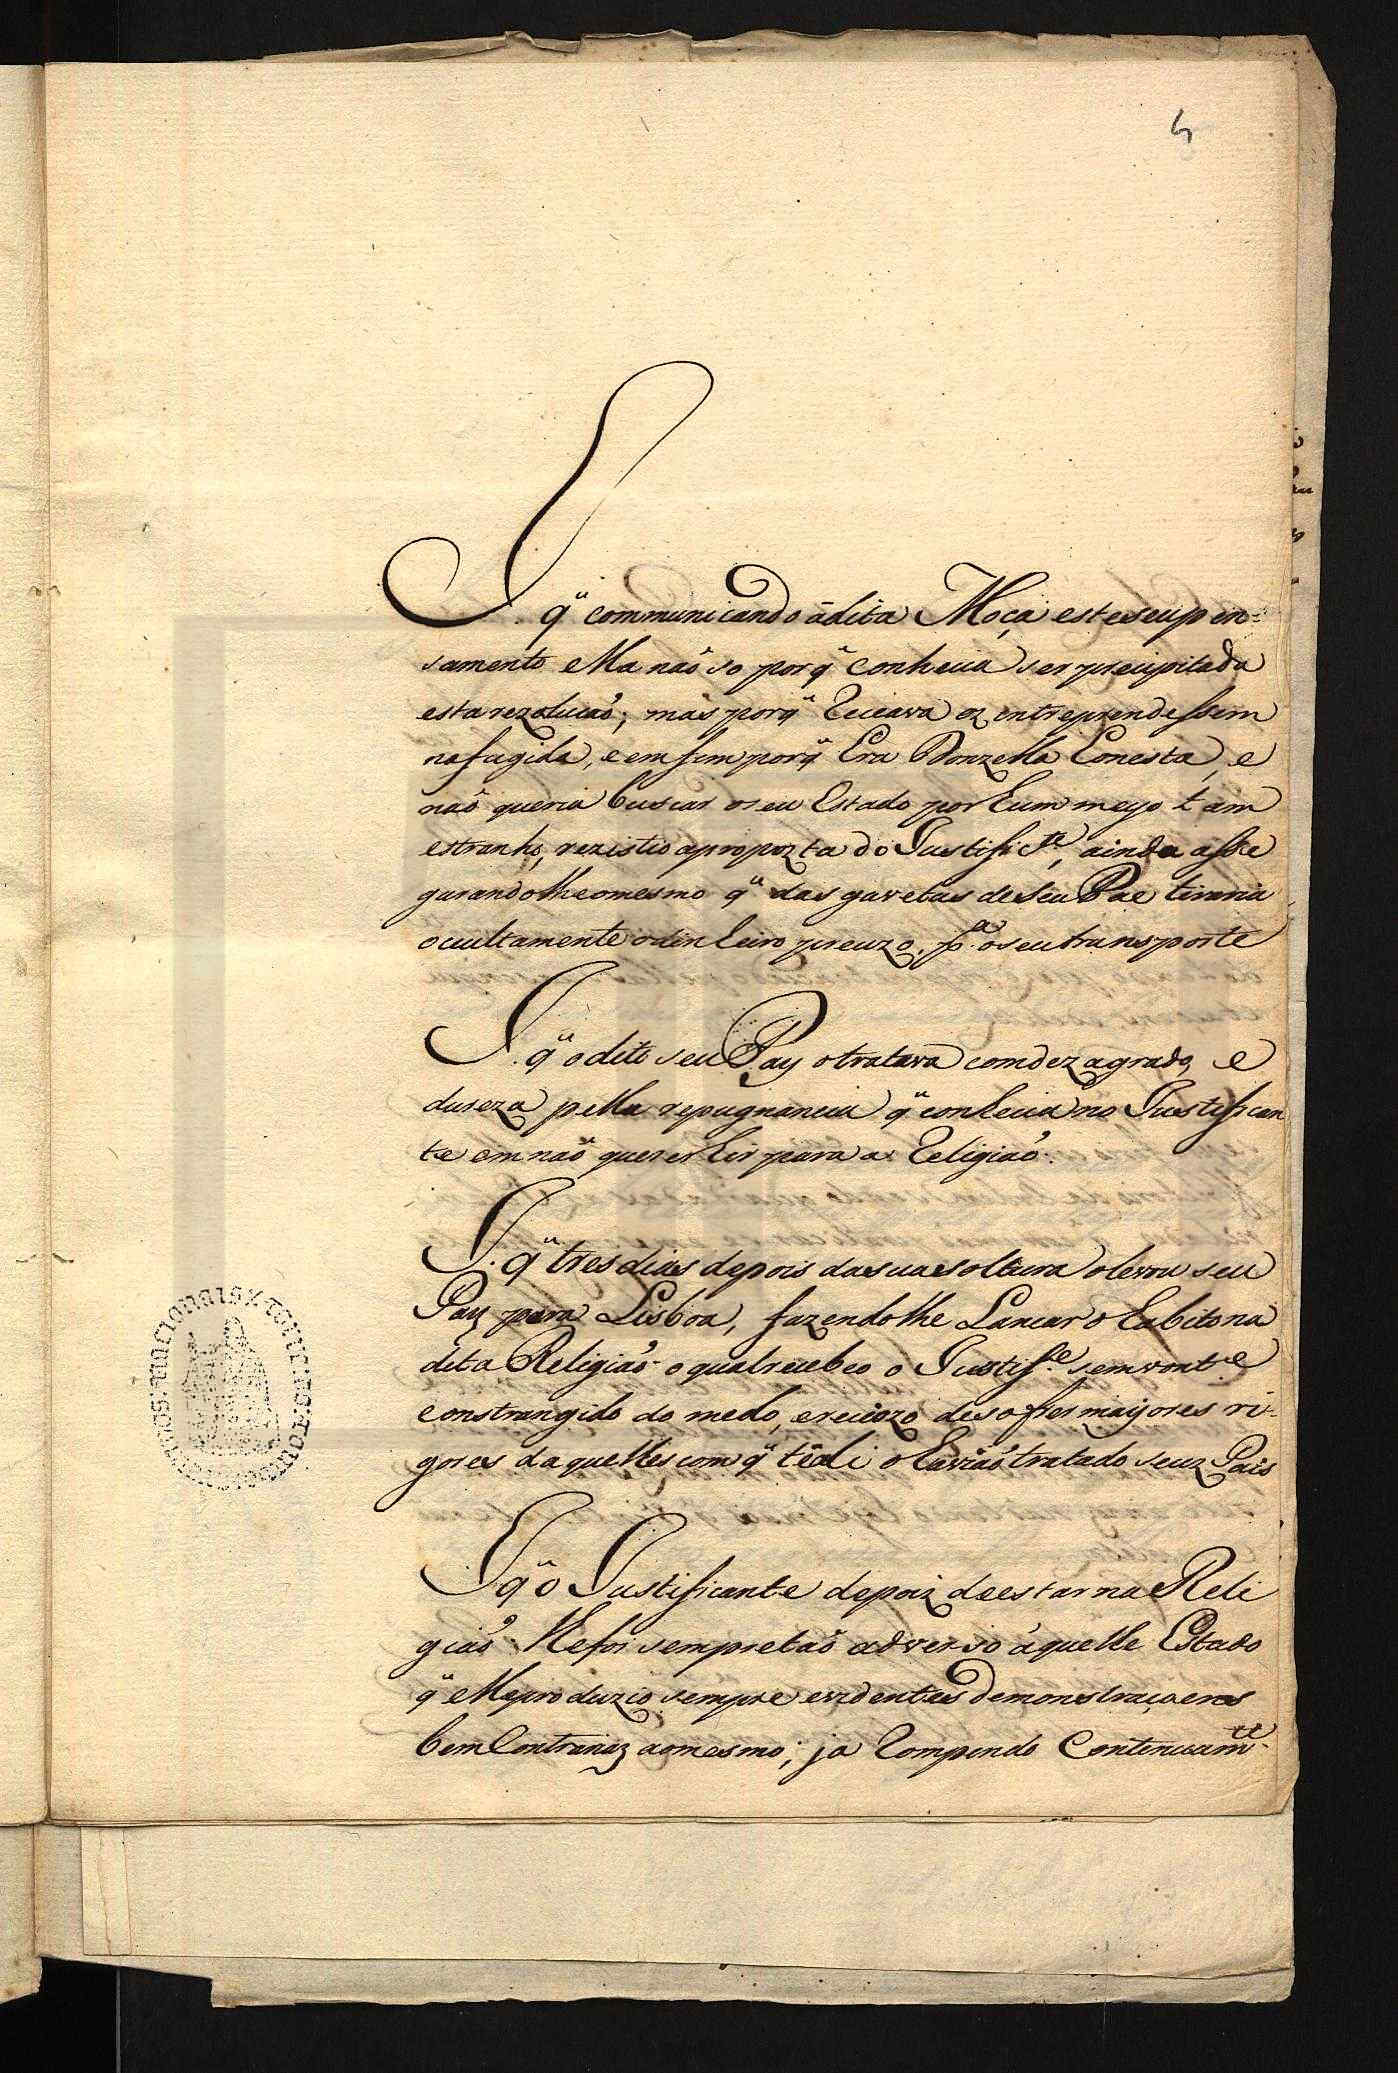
I q̄ communicando á dita Moça este seu pen
samento ella naõ so porq̄ conhecia ser precepitada
esta rezoluçaõ; mas porq̄ Receava oz entreprendessem
na fugida, e emfim porq̄ Era Donzella honesta, e
naõ queria buscar o seu Estado por hum meyo tam
estranho, rezistio a propozta do Iustificte, ainda asse
gurandolhe o mesmo q̄ das gavetas de seu Pae tiraria
ocultamente o dinheiro precizo, p.a o seu transporte
I q̄ o dito seu Pay o tratava com dezagrado, e
dureza pella repugnancia q̄ conhecia no Iustifican
te em naõ querer hir para a Religiaõ.
I q̄ tres dias depois da sua soltura o levou seu
Pay para Lisboa, fazendolhe Lancar o habito na
dita Religiaõ o qual recebeo o Iustif.e sem vont.e
constrangido do medo, e reciozo de sofrer mayores ri
gores daquelles com q̄ té ali o haviaõ tratado seuz Pais
I q̄ o Iustificante depoiz de estar na Reli
giaõ lhe foi sempre taõ adver-so áquelle Estado
q̄ elle produzio sempre evidentes demonstraçaens
bem Contrariaz ao mesmo; ja Rompendo Contenuam.te
